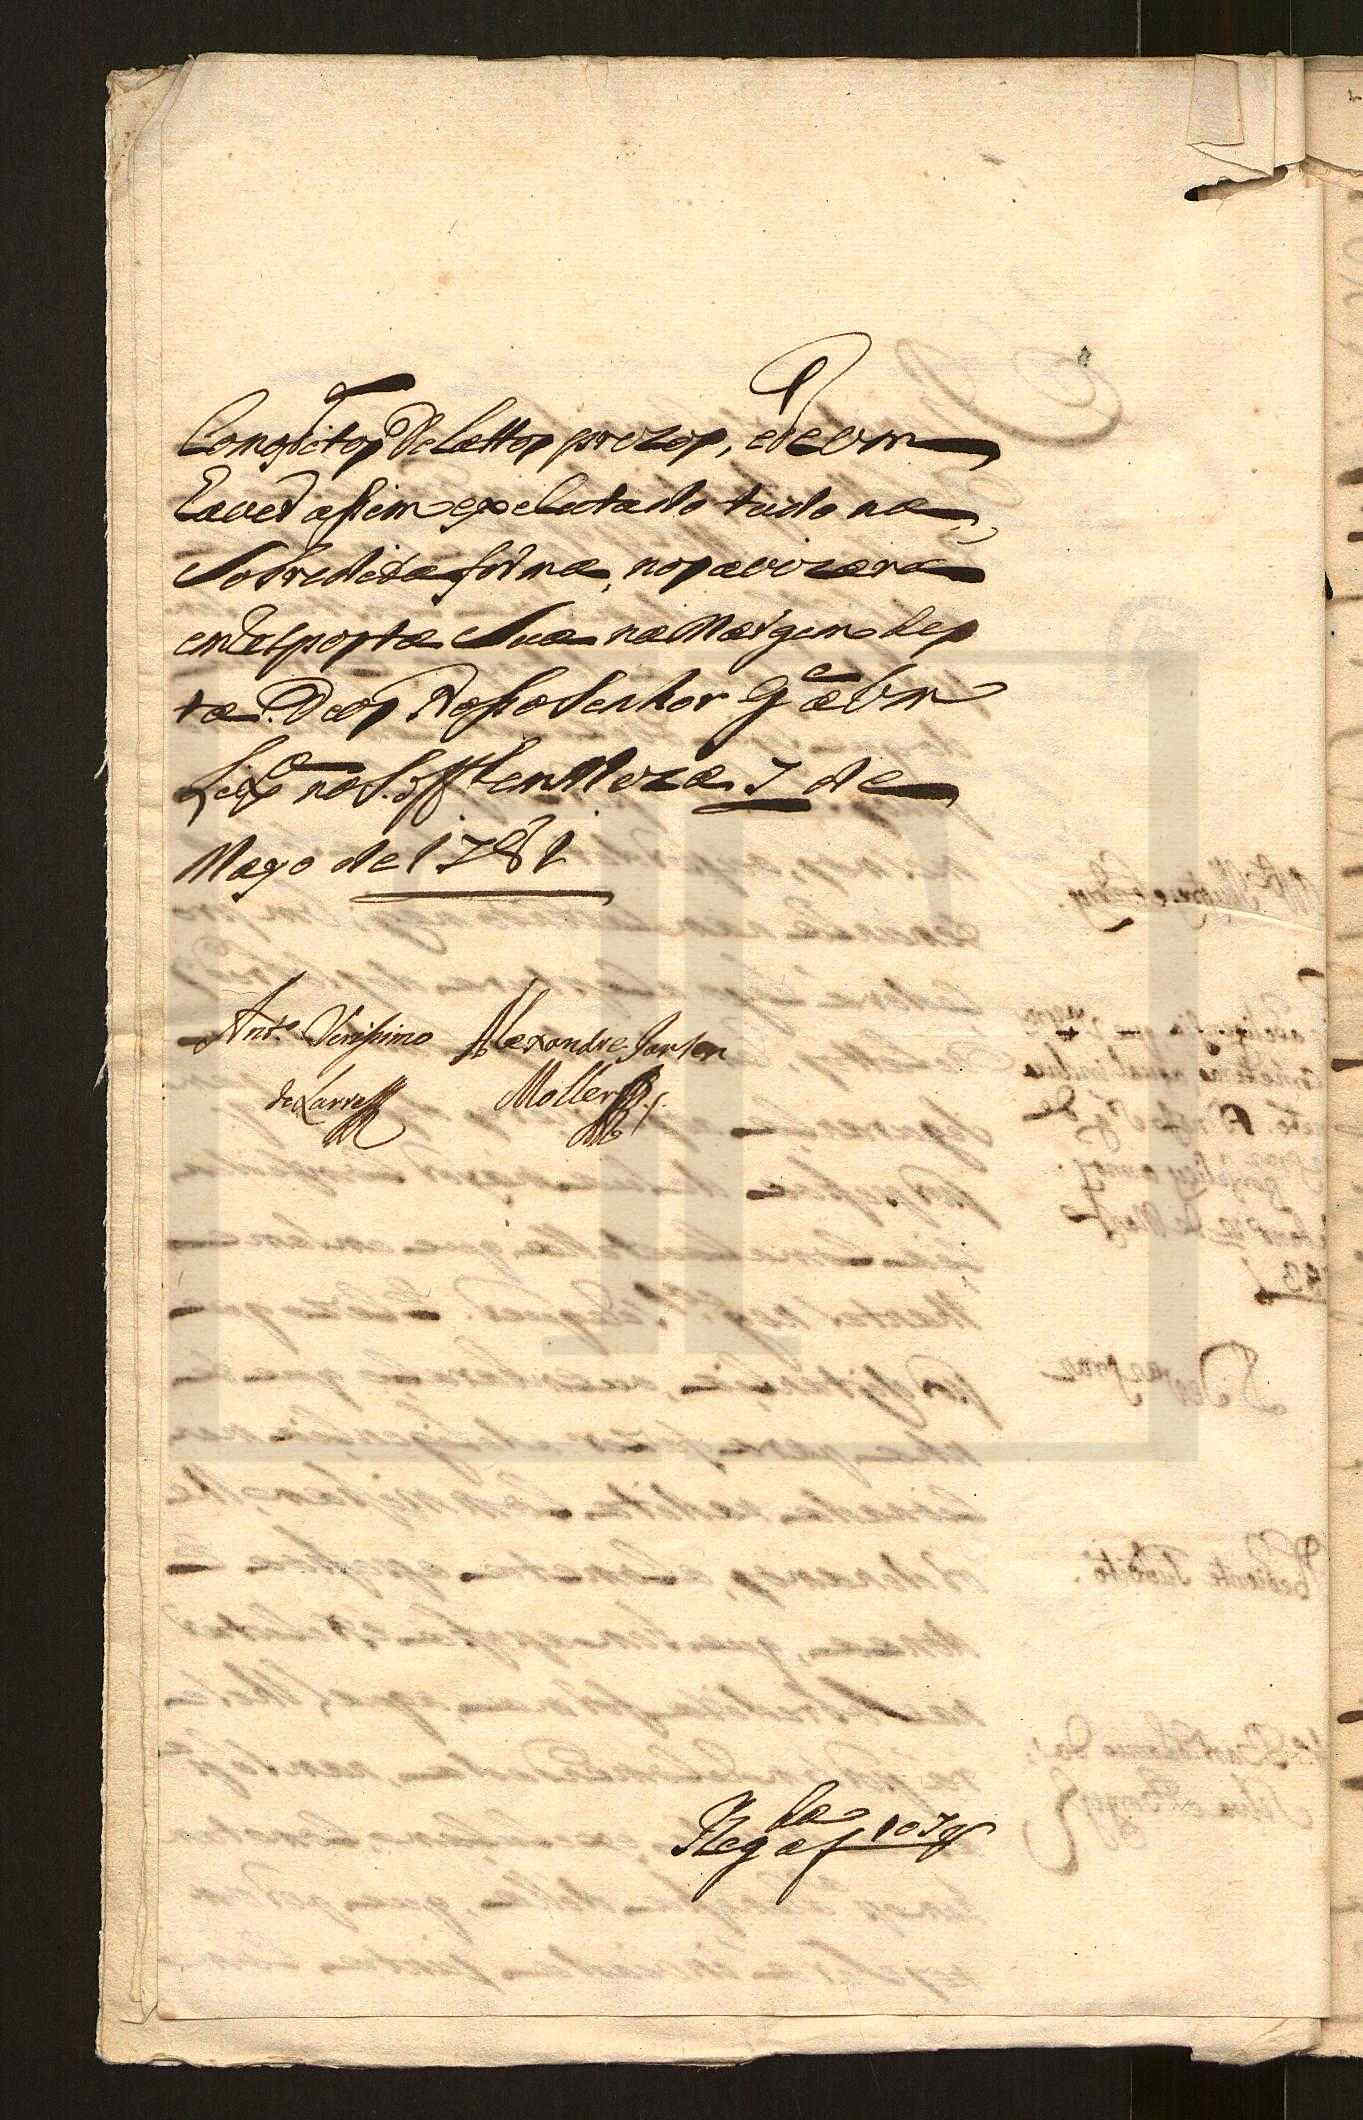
Com os ditos DeLattos prezos, e de vm
haver assim exeCutado tudo na
Sobredita forma, nos avizará
em Resposta Sua na Margem des
ta. Deos Nosso Senhor Ge a vm
Lixa no S. offo em Meza 7 de
Mayo de i78i
Regda a fl.107v
